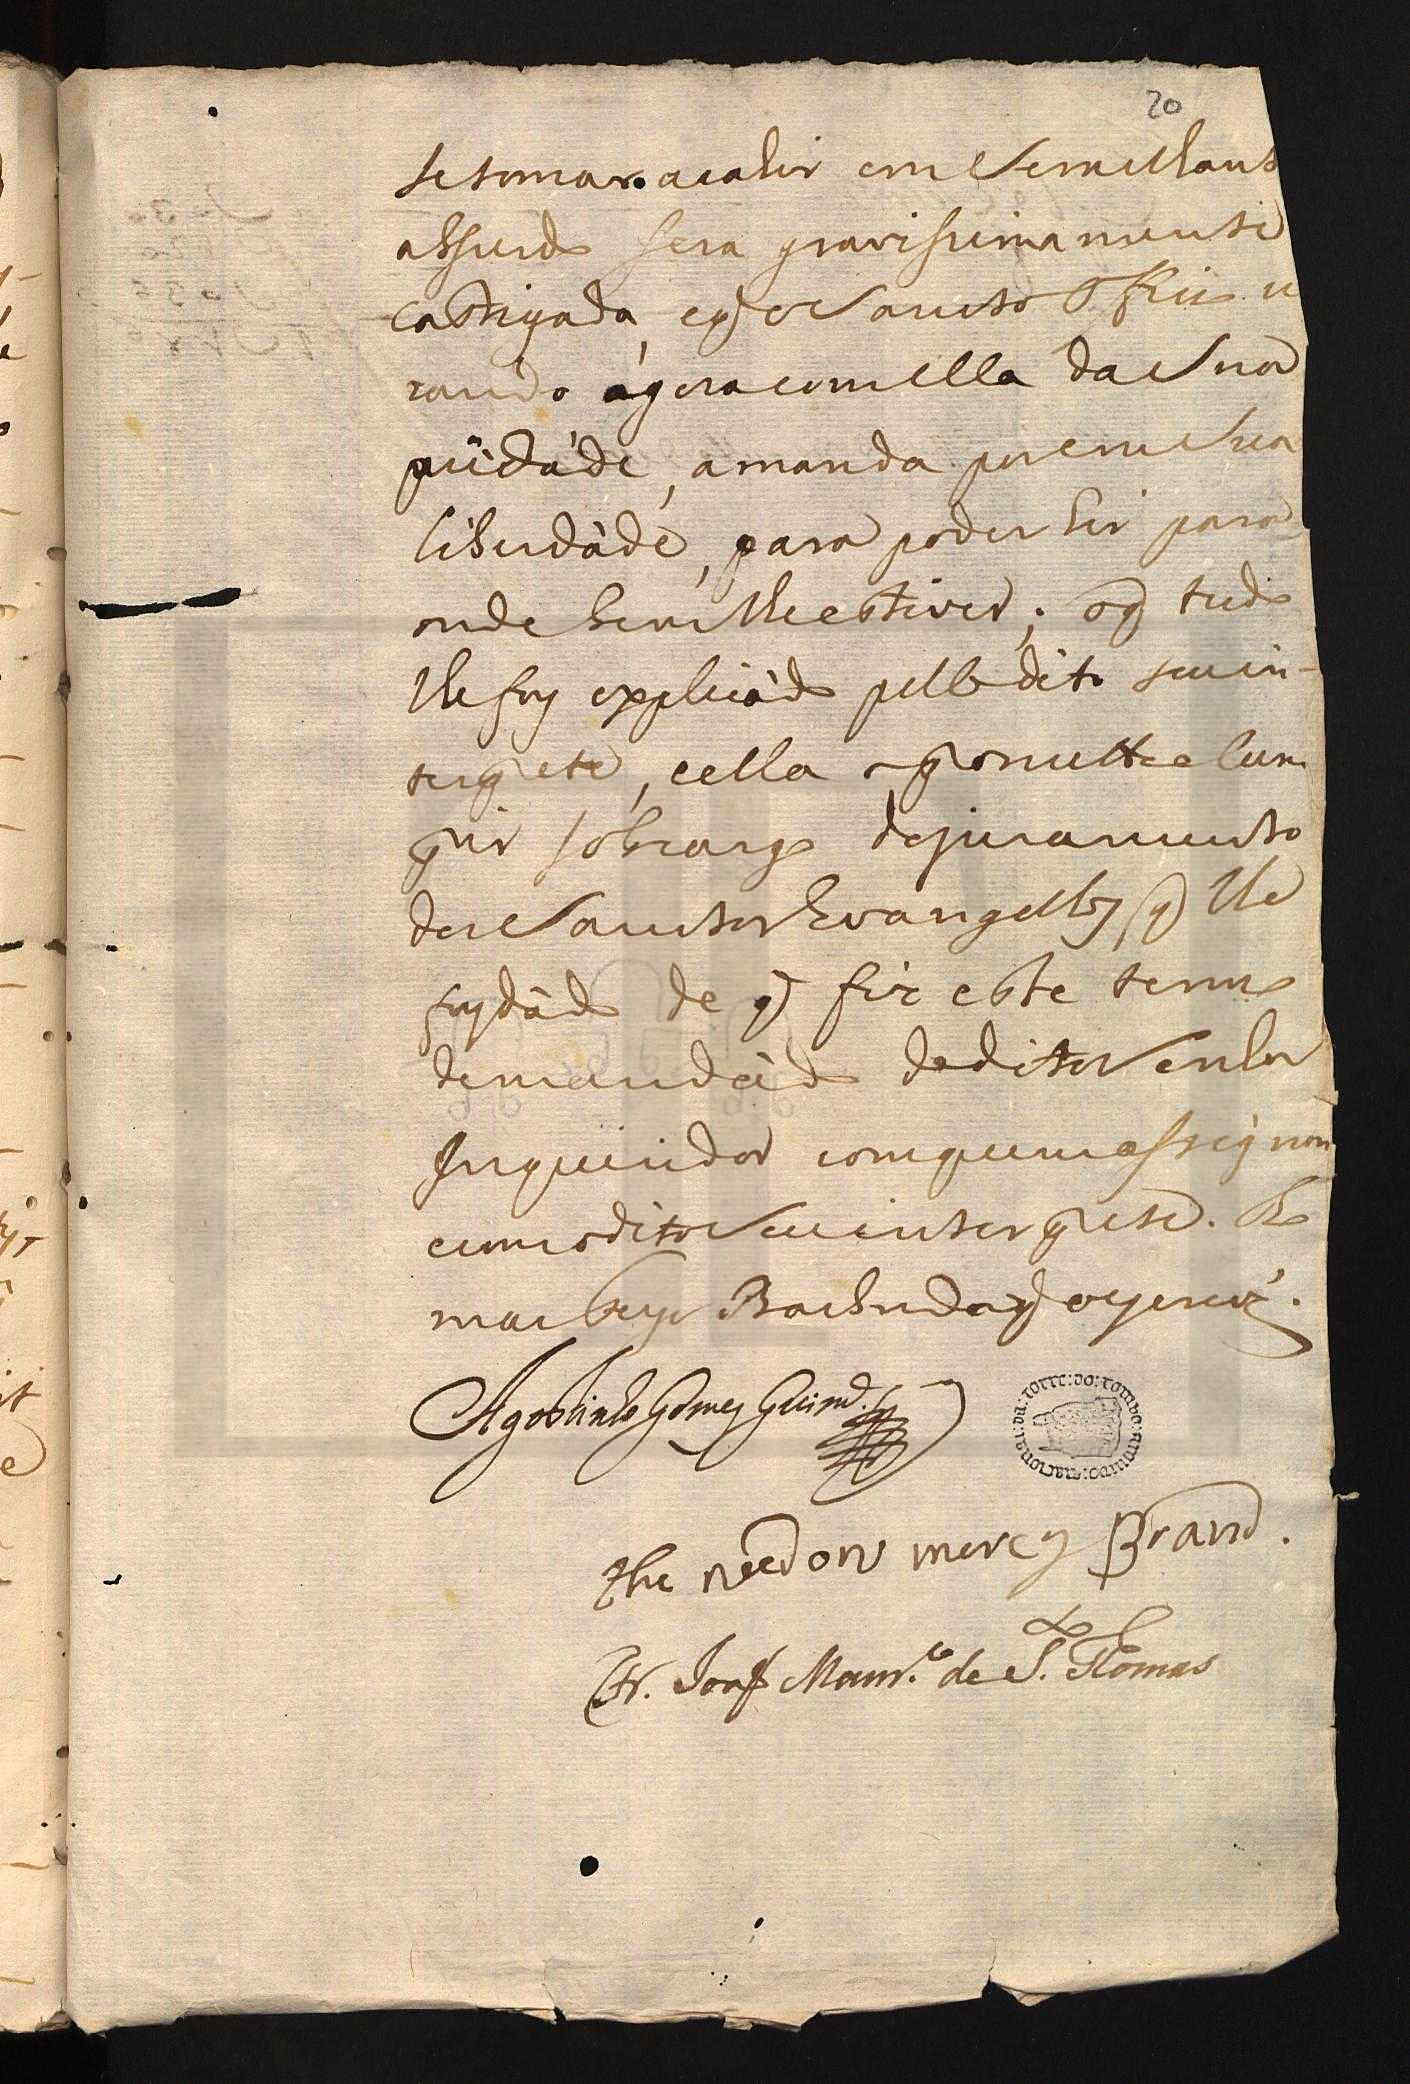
se tornar a cahir em Semelhant
absurdo sera gravissimamente
castigada e q̄ o sancto officio u
zando agora com ella da Sua
peidade a manda por em Sua
liberdàde para poder hir para
onde bem lhe estiver; o q̄ tudo
lhe foy explicado pello dito seu in
terprete, e ella o prometteo Cum
prir sobcargo do juramento
dos Samtos Evangelhos, q̄ lhe
foy dàdo de q̄ fiz este termo
de mandado do dito Senhor
Jnquizidor com quem assignou
e com o dito seu enterprete. Tho
mas Feyo Barbuda q̄ o escrevi
Agostinho Gomes Guim.es
the wedow mercy Brand.
Fr. Ioaõ Mam.co de S.to Thomas
